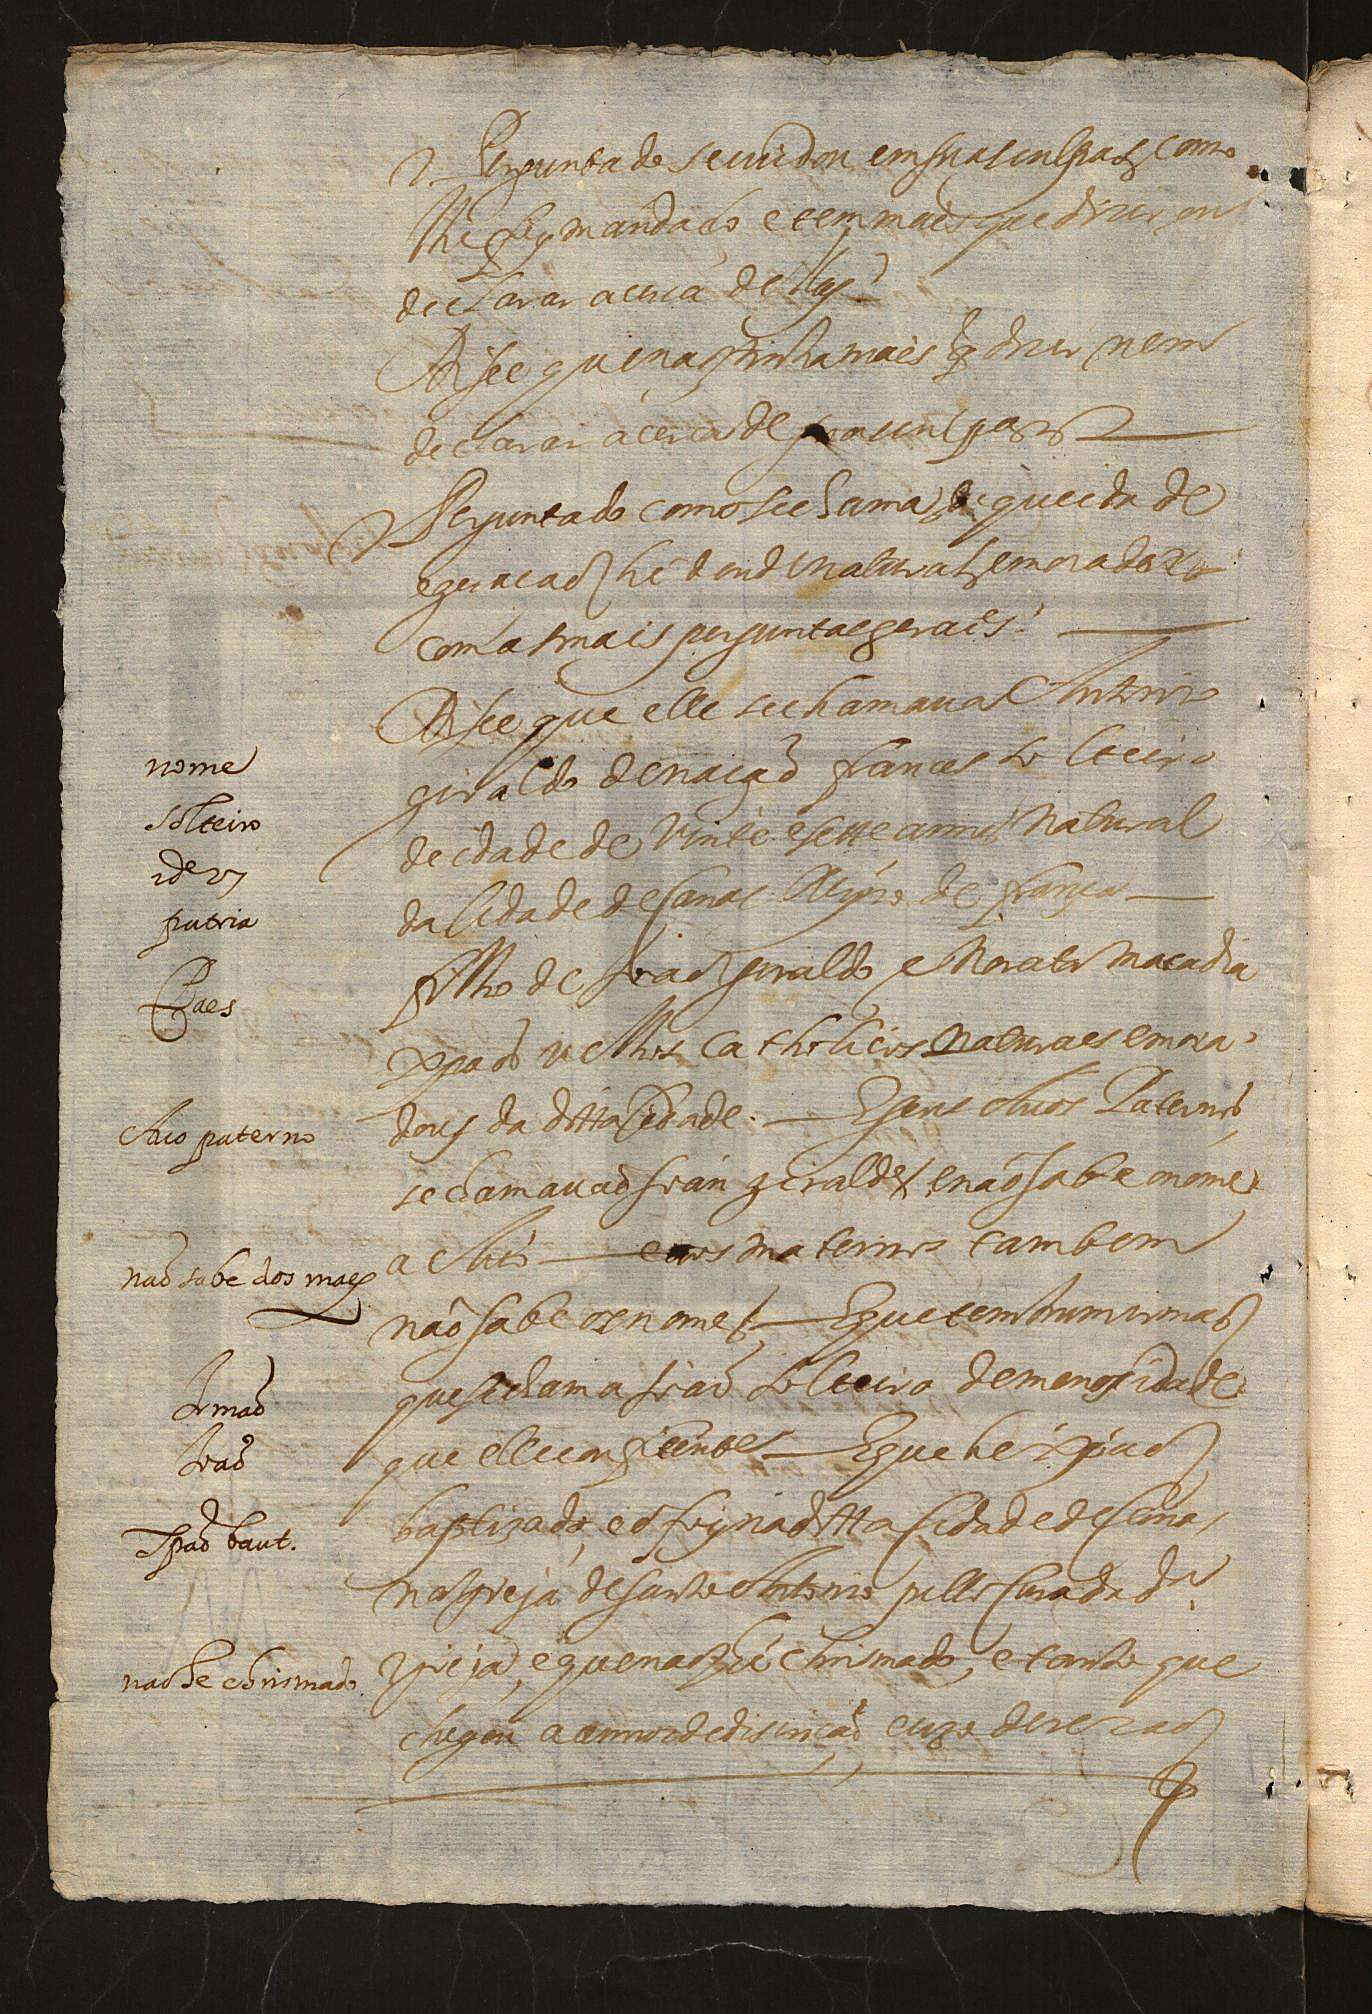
item Perguntado se cuidou em suas culpas como
lhe foy mandado e tem mais que dizer, ou
declarar acerca dellas?
Disse que naõ tinha mais q̄ dizer nem
declarar acerca de suas culpas
item Perguntado como se chama de que idade
e geraçaõ hé donde natural e morador
com as mais perguntas geraes?
Disse que elle se chamaua Antonio
giraldo de naçaõ frances solteiro
nome
solteiro
de idade de vinte e sette annos natural
ide 27
da Cidade de Canas Reyno de frança
patria
filho de Joaõ giraldo e Norata macadia
Paes
xpaõs uelhos catholicos naturaes e mora
dores da ditta Cidade. - E seus Auos Paternos,
Auo paterno
se chamauaõ Joan giraldes E naõ sabe o nome
a Auó - e aos maternos tambem
naõ sabe dos maes
naõ sabe os nomes - E que tem hum irmaõ
que se chama Joaõ solteiro de menos idade
Irmaõ
que elle confitente - E que he xpão
Ioaõ
baptizado, e o foy na ditta Cidade de Canas
Xpaõ baut.
na Jgreja de santo Antonio pello Cura da da.
naõ he chrismado
igreja, e que naõ hé chrismado, e tanto que
chegou a annos de discriçaõ e uzo de rezaõ
